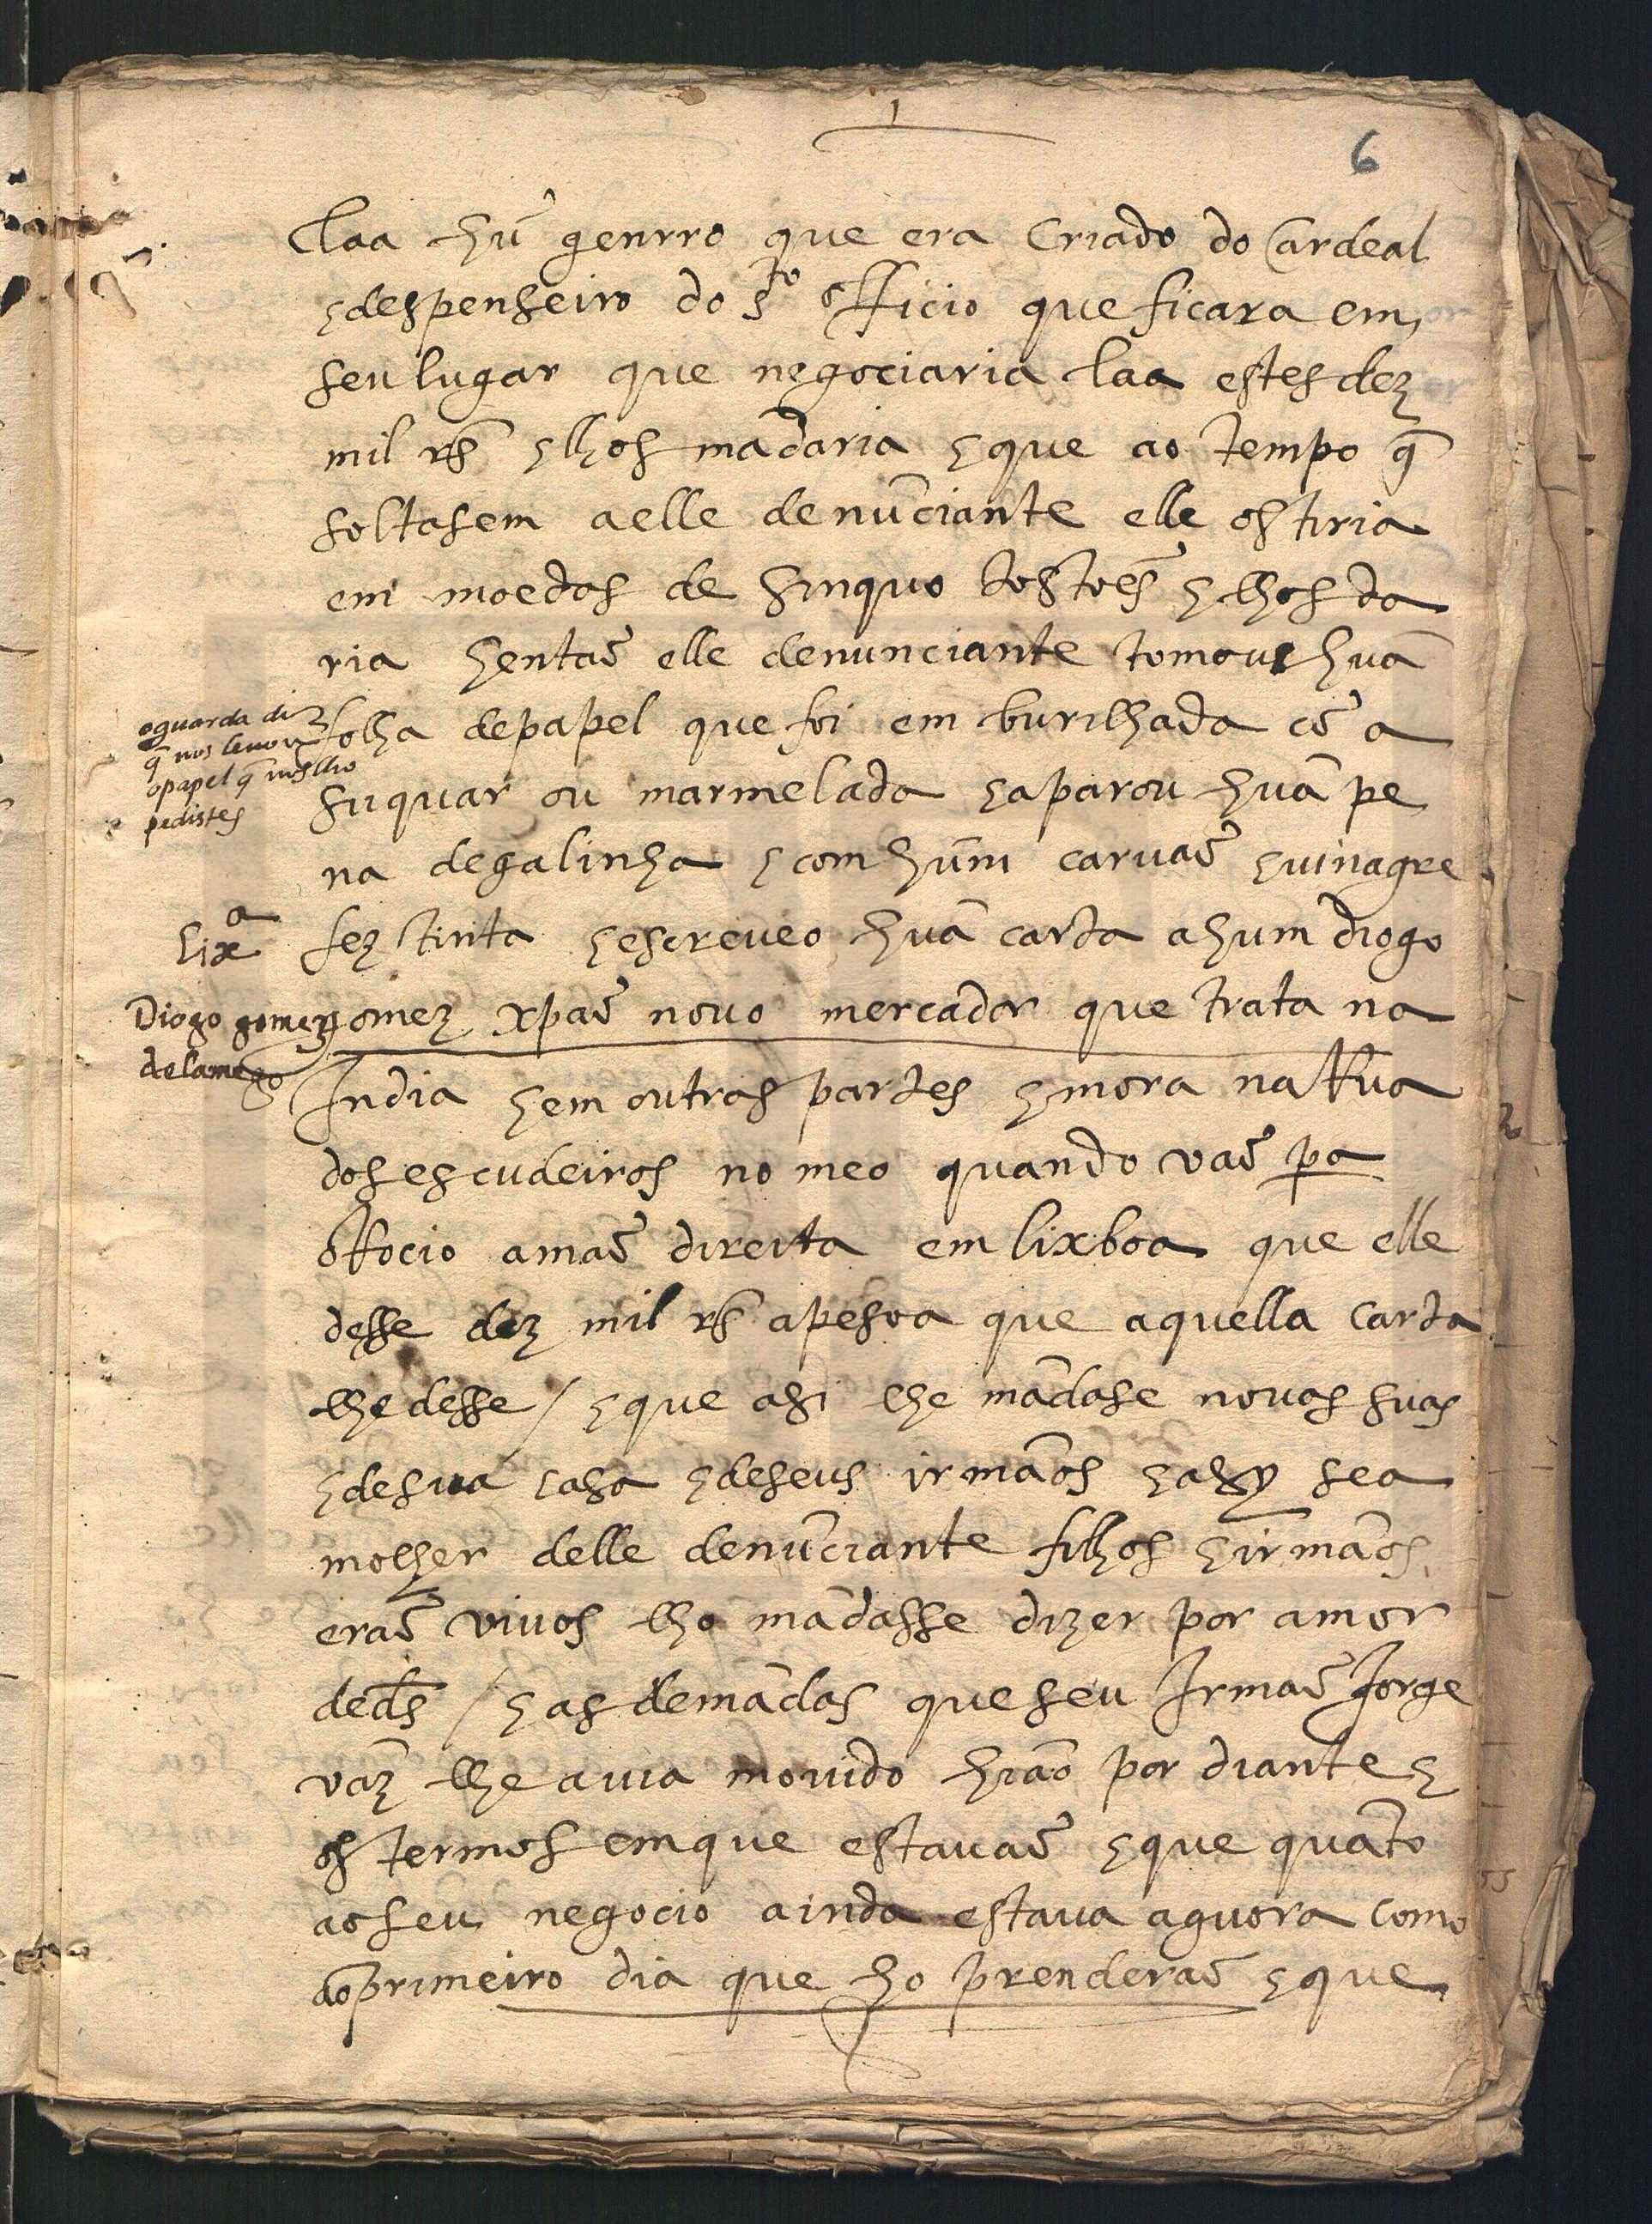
laa hū genrro que era criado do Cardeal
E despenseiro do sto officio que ficara em
seu lugar que negociaria laa estes dez
mil rs̄ E lhos mādaria E que ao tempo q̄
soltasem a elle denūciante elle os tiria
em moedas de sinquo tostoẽs E lhos da
ria E entaõ elle denunciante tomou huā
o guarda diz
q̄ uos leuou
folha de papel que foi emburilhada cō a
o papel q̄ uos lho
suquar ou marmelada E aparou huā pe
pedistes
na de galinha E com hum caruaõ E uinagre
fez tinta E escreueo hua carta a hum diogo
lixa
Diogo gomez
gomez xpaõ nouo mercador que trata na
de lamego
Jndia E em outras partes E mora na Rua
dos escudeiros no meo quando vaõ ꝑa
o Rocio a maõ direita em lixboa que elle
desse dez mil rs̄ a pesoa que aquella carta
lhe desse / E que asi lhe mādase nouas suas
E de sua casa E de seus irmãos E asy se a
molher delle denūciante filhos E irmaõs
eraõ viuos lho mādasse dizer por amor
de d̄s / E as demādas que seu Jrmaõ Jorge
vaz lhe auia mouido hiaõ por diante E
os termos em que estauaõ E que quāto
ao seu negocio ainda estaua aguora como
ao primeiro dia que ho prenderão E que
